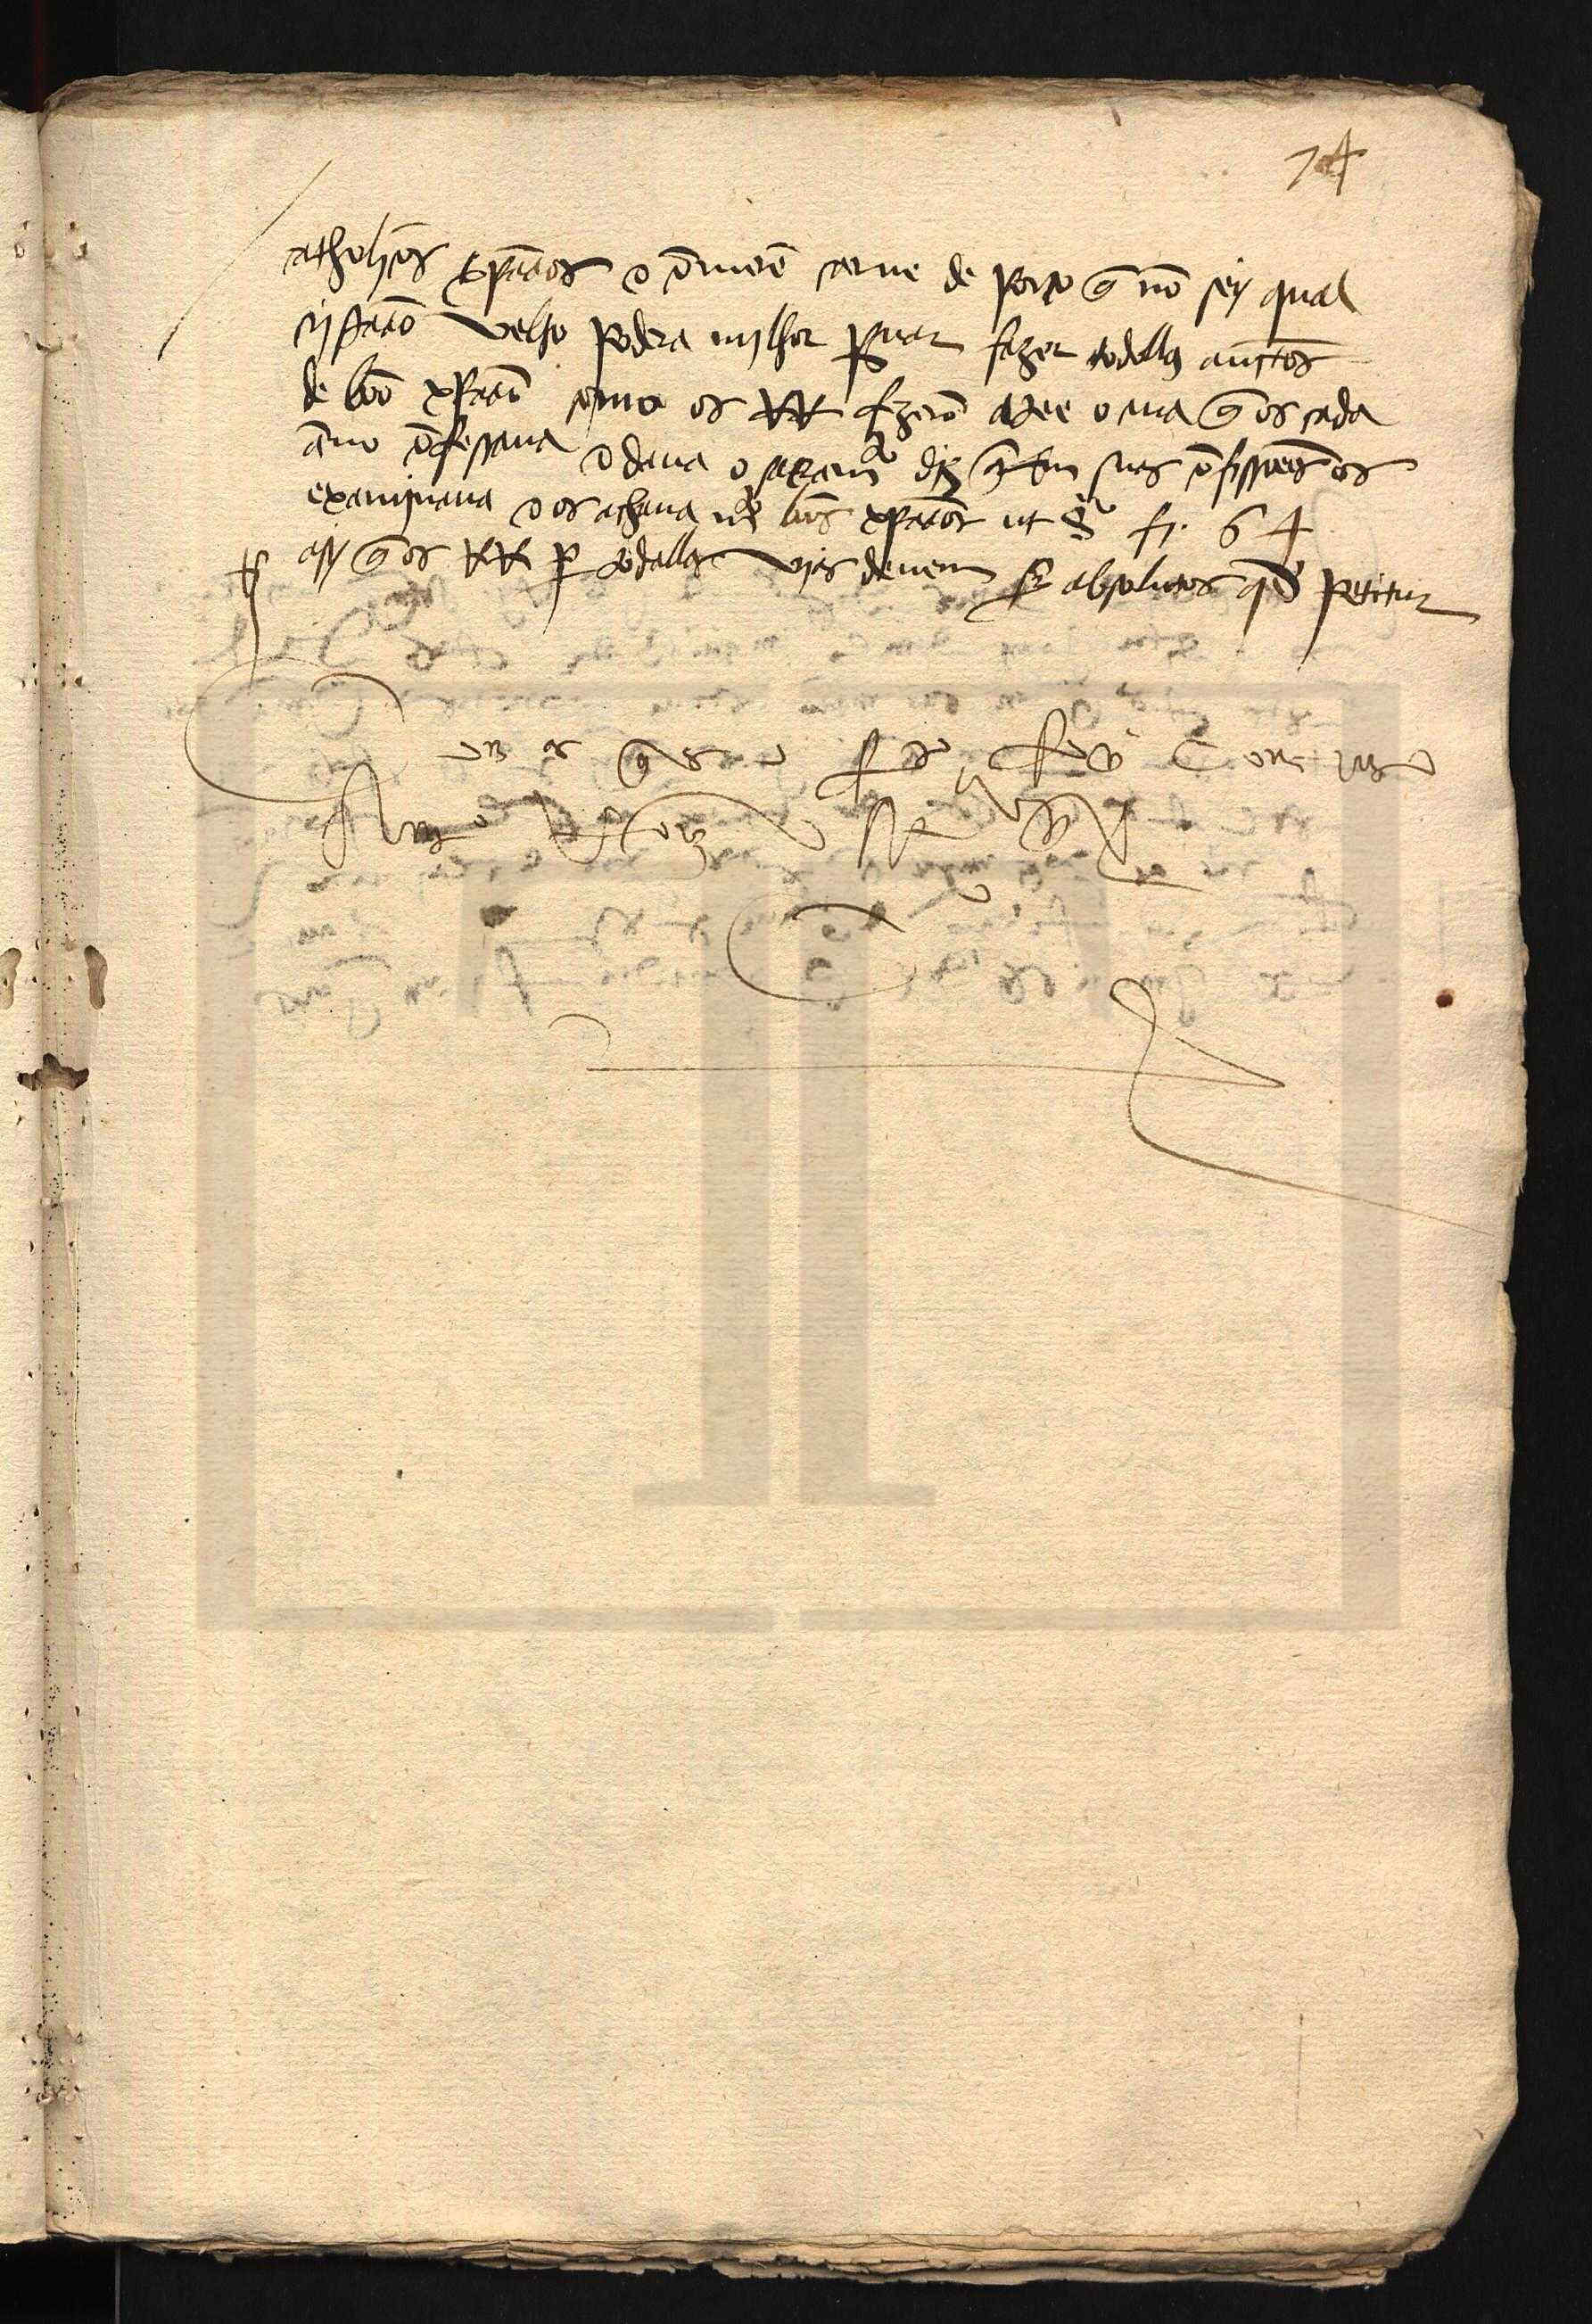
catholjcos xpãaos e c̄omerē carne de porco q̄ nō sey qual
crjstaão velho podera mjlhor ꝓuar fazer todolloꝯ auc̄tos
de bōo xpaão como os RR fezerō atee o cura q̄ os cada
āno c̄ofessaua e daua o sacramto djz q̄ Em suas c̄ofissõees os
examjnaua e os achaua mto boōs xpãaos ut S̄ fi. 64
asy q̄ os RR ꝑ todallas vjas deuem ꞩ absolutos qd' petitur
Com as q̄es o fto foy concruso
Anto Roīz o spivy
Co
